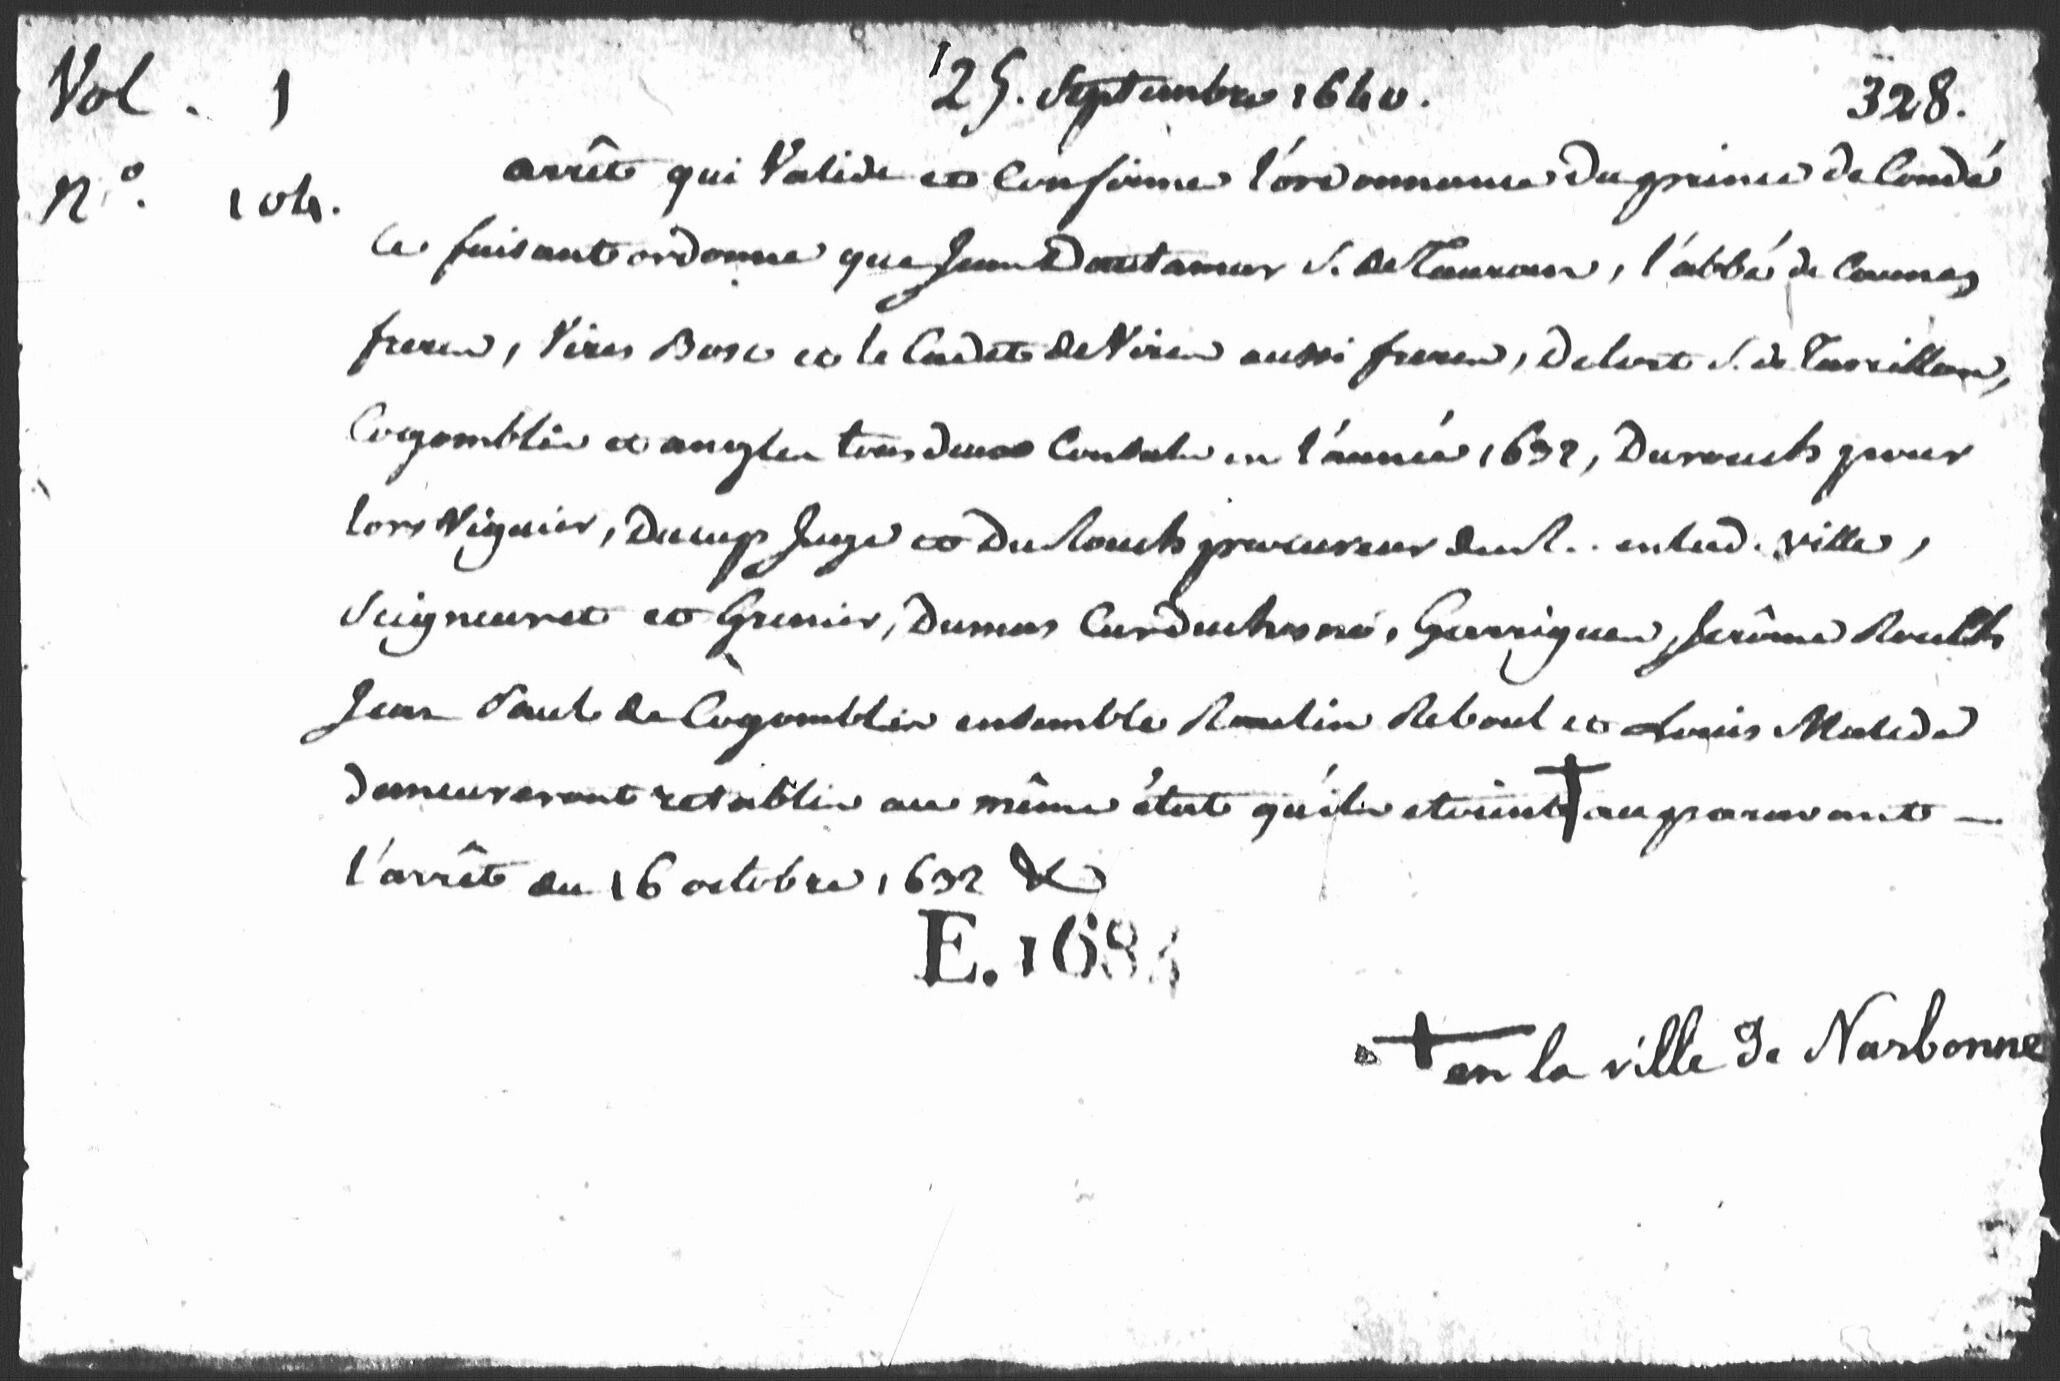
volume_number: n°104
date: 25 septembre 1640
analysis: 328.
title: arrêt qui valide et confirme l'ordonnance du prince de Condé ce faisant ordonne que Jean Dautamar S. de Tauran, l'abbé de Caunes freres, Vires Bosc et le Cadet de Vires aussi freres, delort S. de Tarrillan, Cogomblis et Angles tous deux consuls en l'année 1632, Durouch pour lors viguier, Ducup juge et du Rouch procureur du R.. en lad. ville, Seigneuret et Grenier, Dumas Curduchesne, Garrigues, Jerôme Rouch Jean paul de Cogomblis ensemble Raulin Reboul et Louis Malede demeureront retablis au même état qu'ils etoient en la ville de Narbonne auparavant l'arrêt du 16 octobre 1632 &
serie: E
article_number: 1684
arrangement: vol. 1
